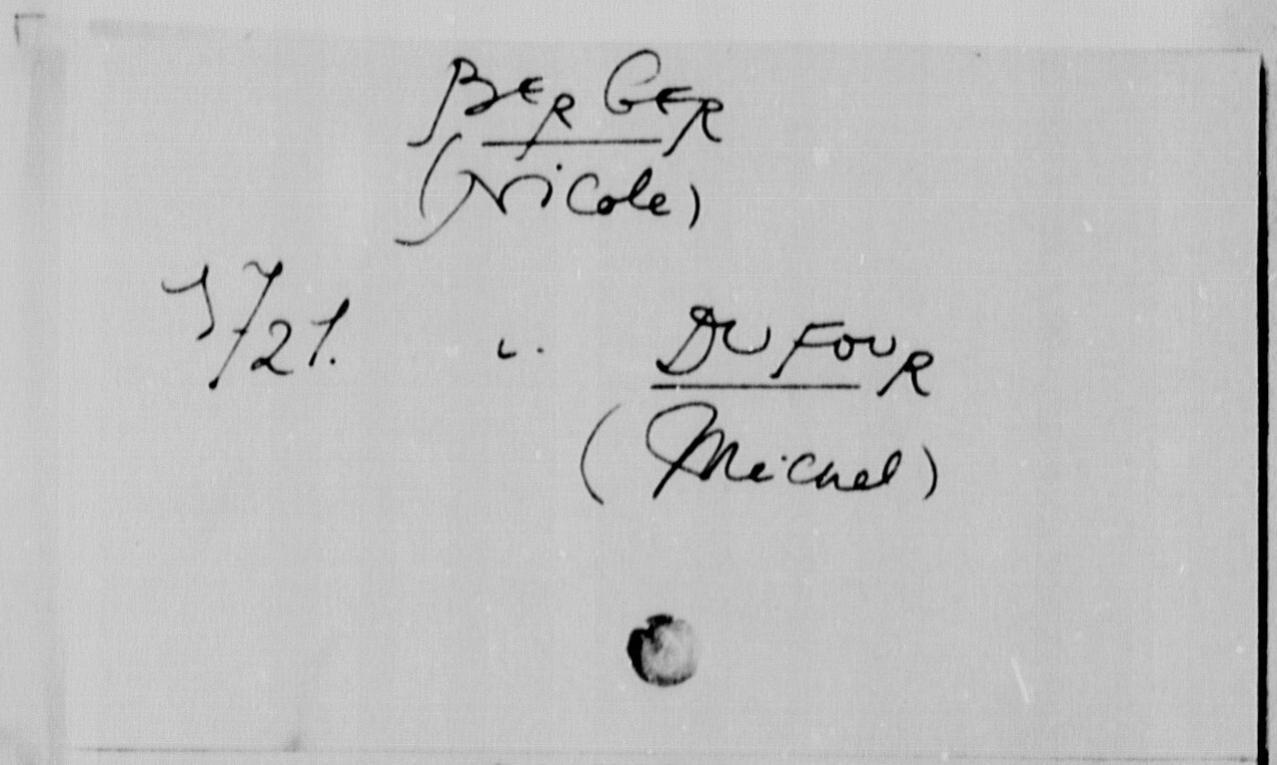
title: BERGER (Nicole)
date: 1721
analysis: Voir : DUFOUR (Michel)
